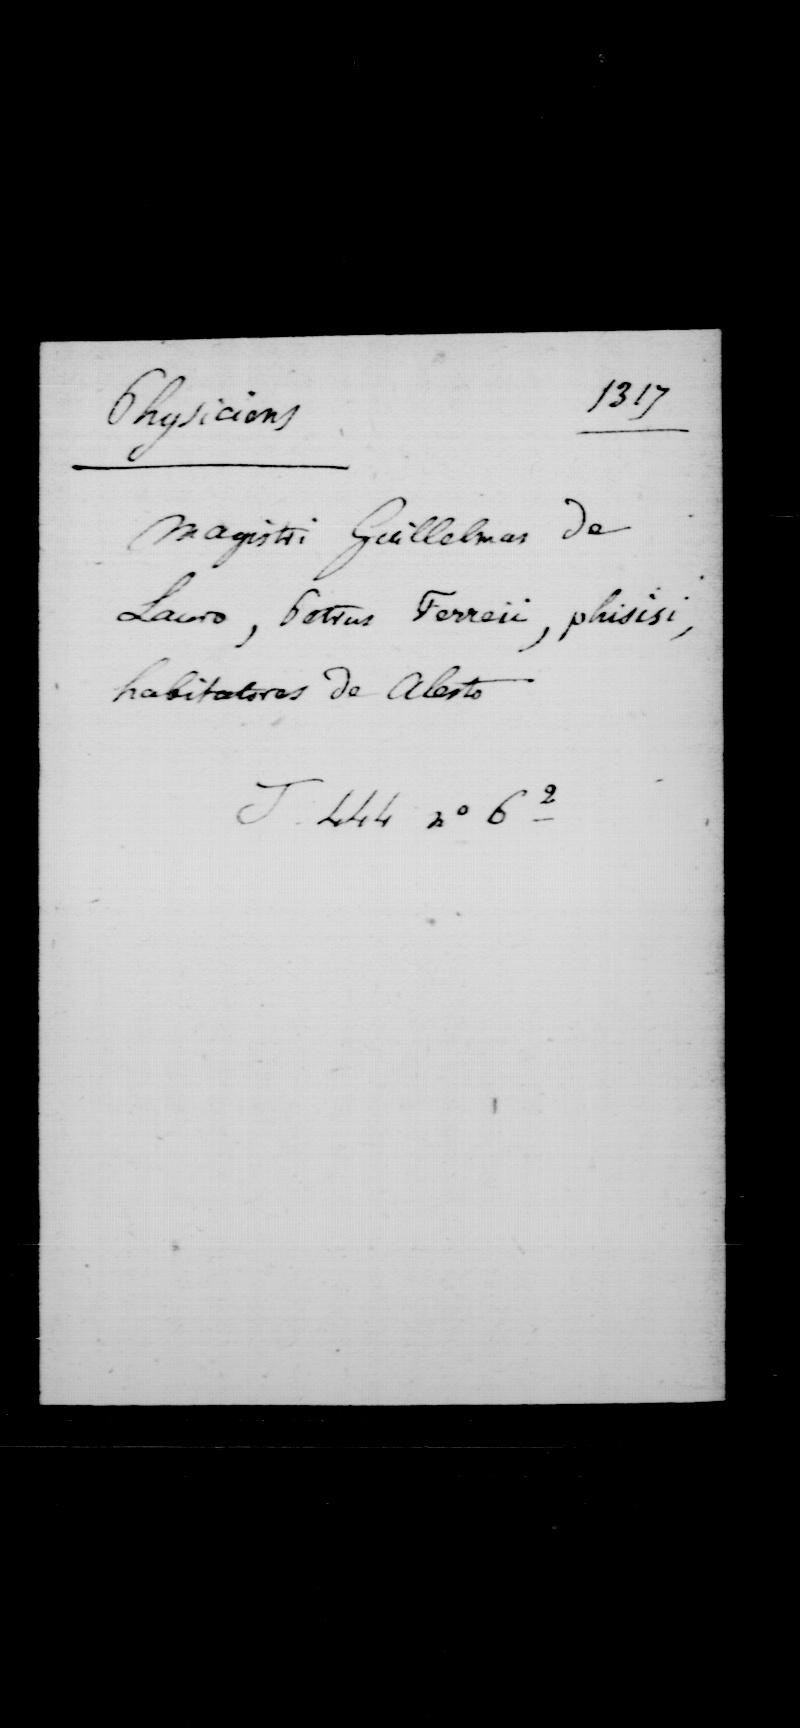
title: Physiciens
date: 1317
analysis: Magistri Guillelmas de Lauro, Petrus Ferreii, phisisi, habitatores de Alesto
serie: J
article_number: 444
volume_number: n° 6/2
